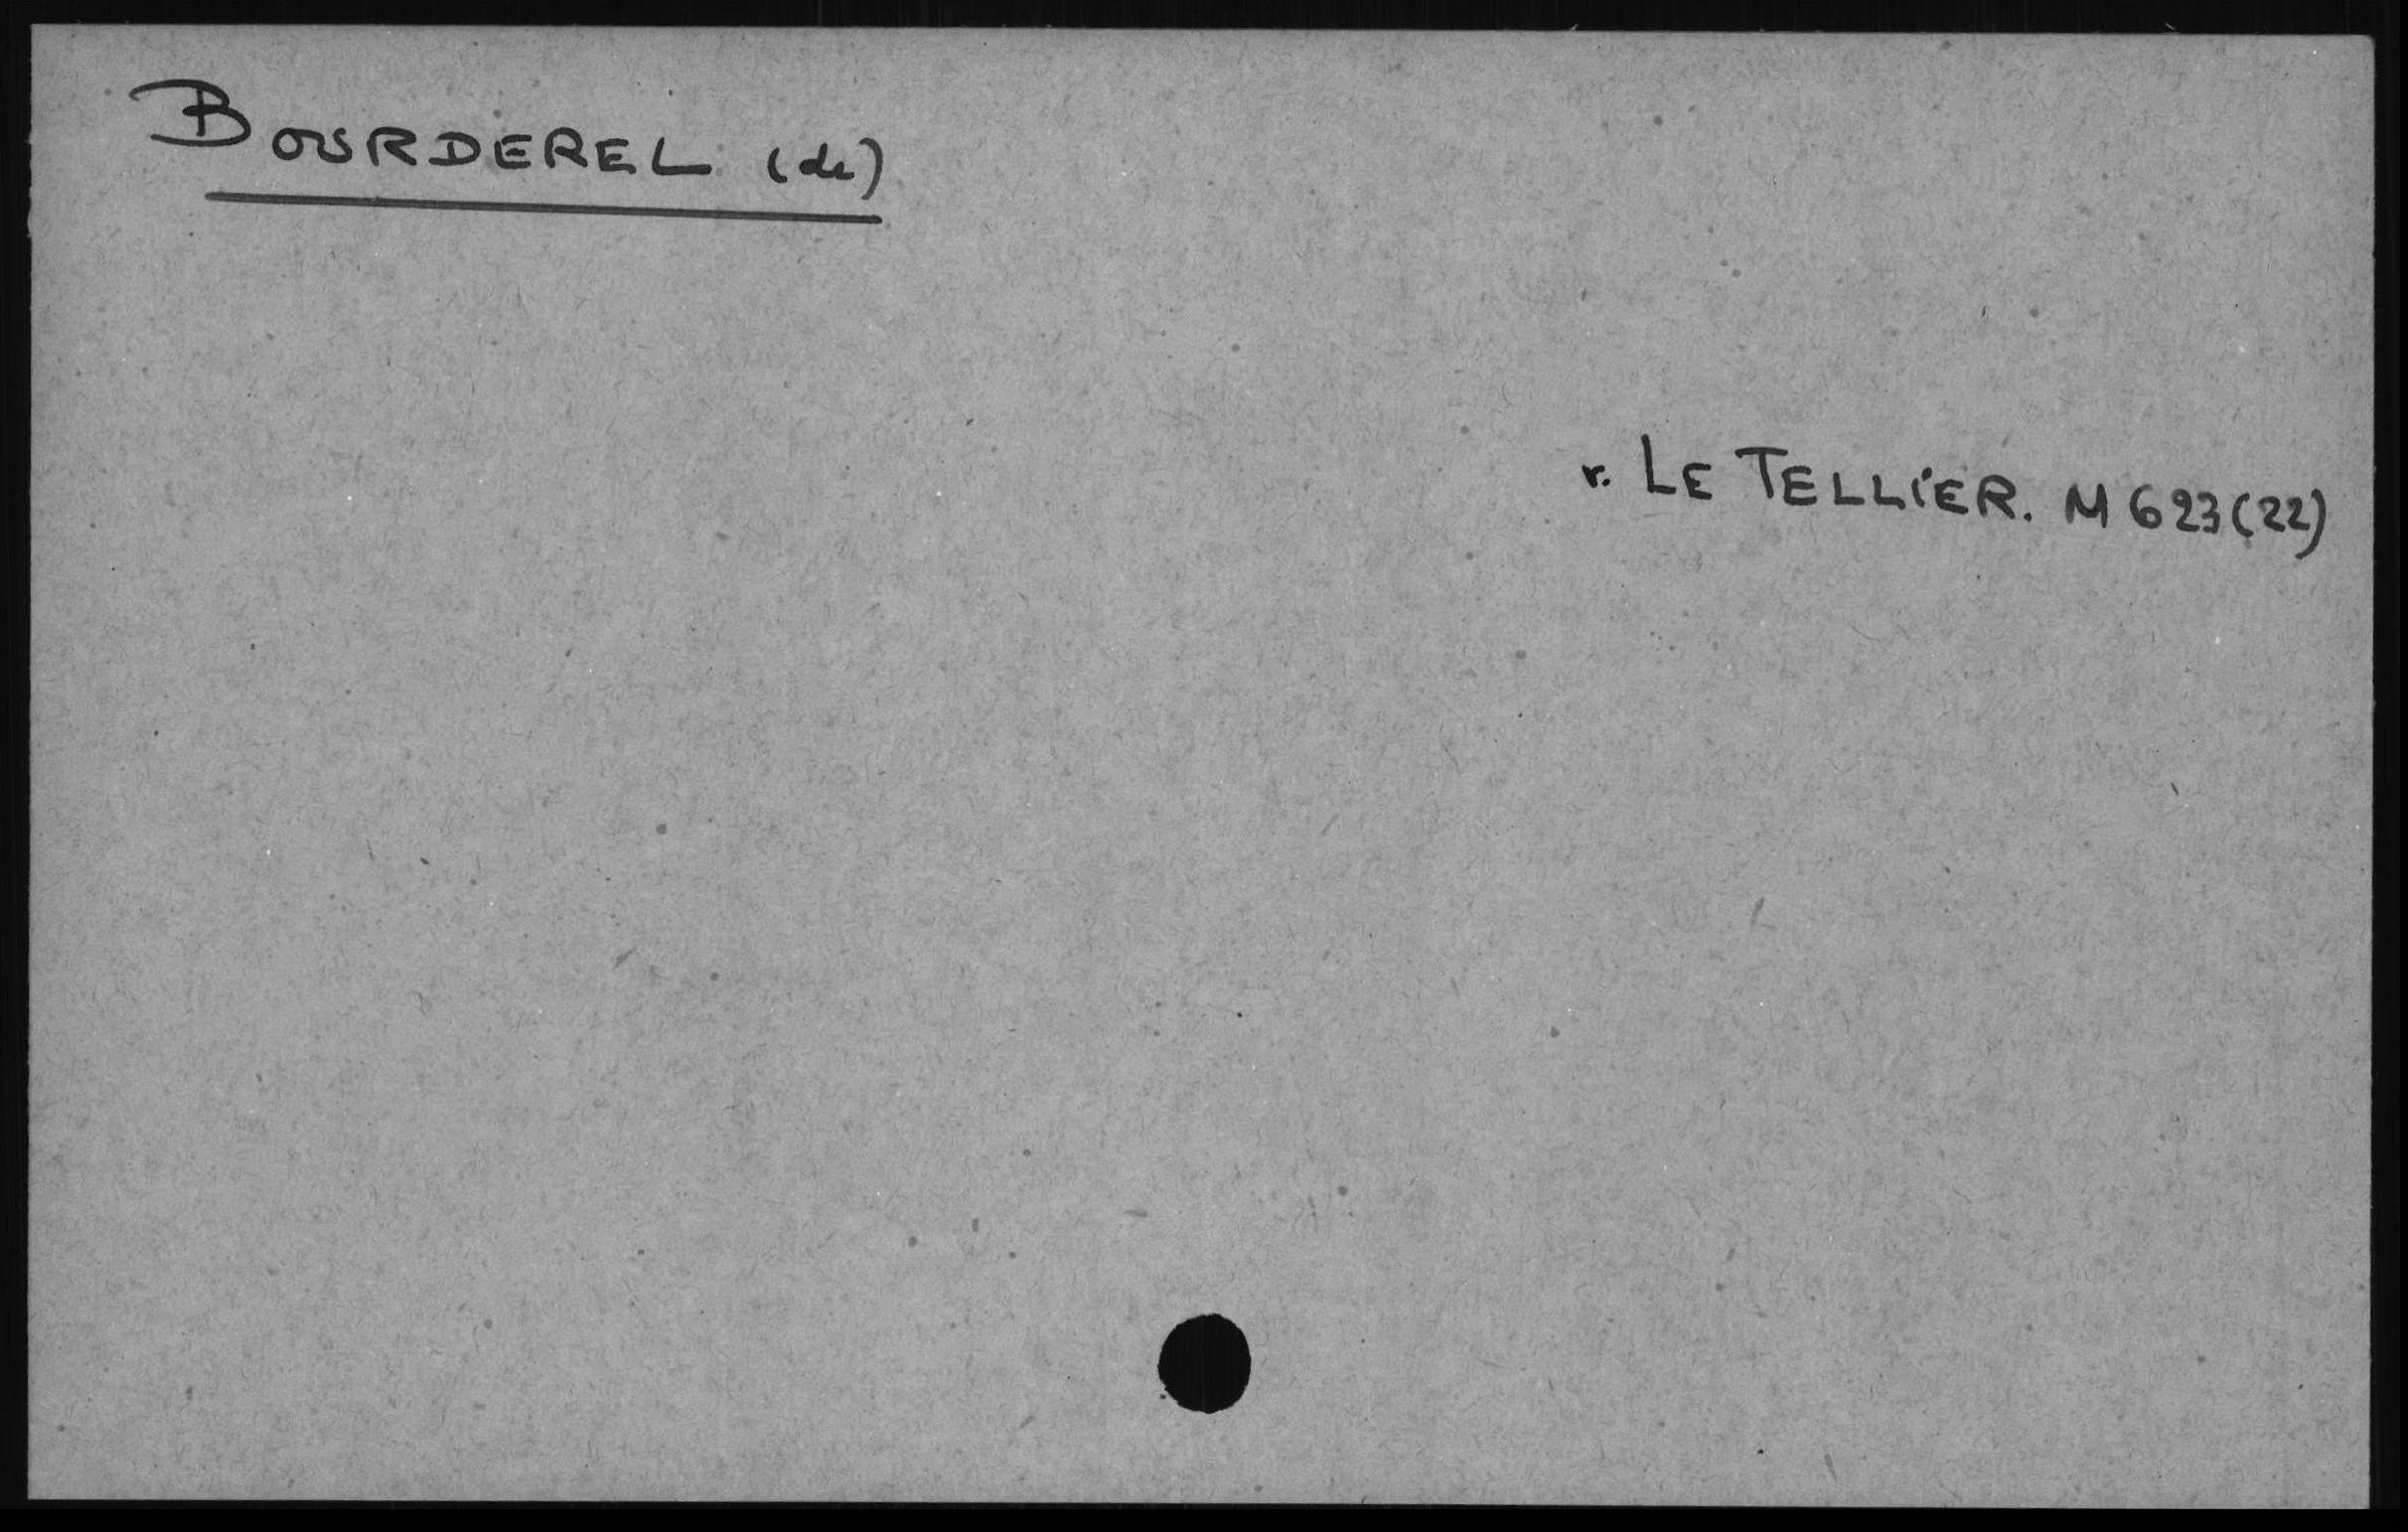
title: BOURDEREL (de)
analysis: voir : LE TELLIER
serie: M
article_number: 623
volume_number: (22)
